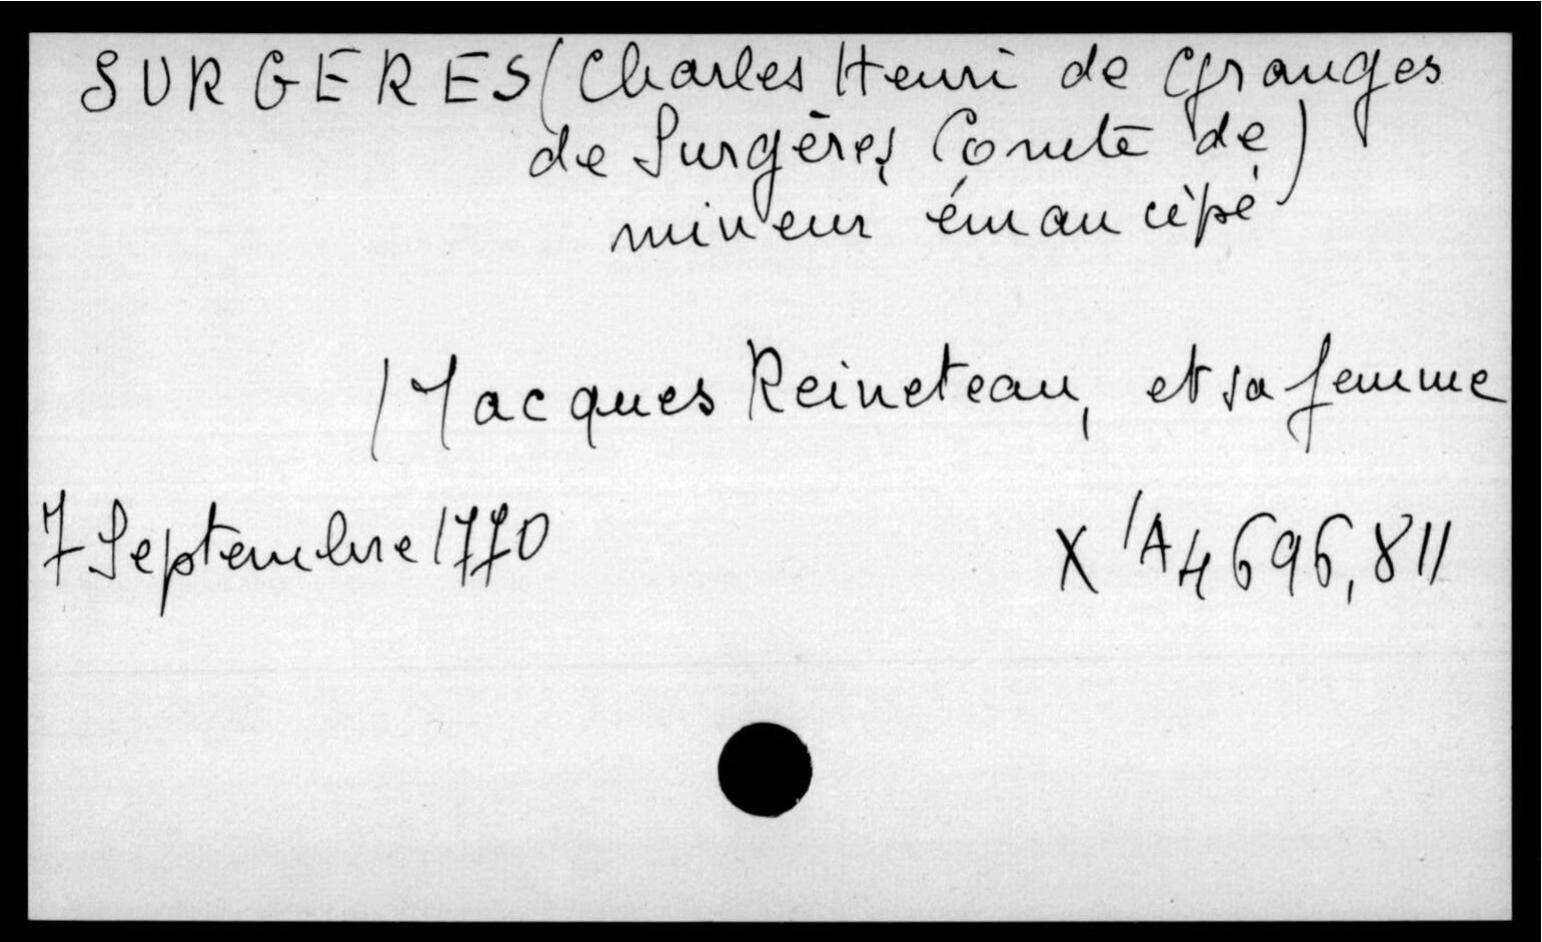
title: SURGERES (Charles Henri de Granges de Surgères comte de) mineur émancipé
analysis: Contre Jacques Reineteau, et sa femme
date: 7 septembre 1770
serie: X1A
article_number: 4696
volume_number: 811
